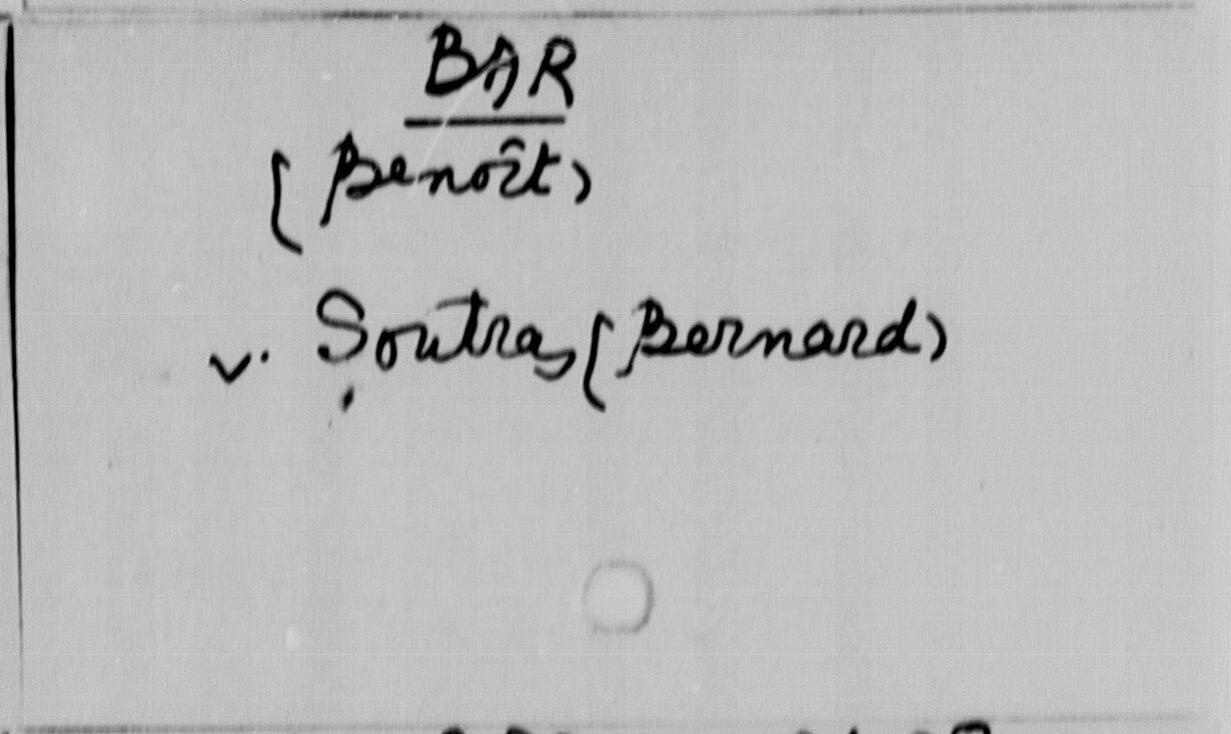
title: BAR (Benoît)
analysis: Voir Soutras (Bernard)
